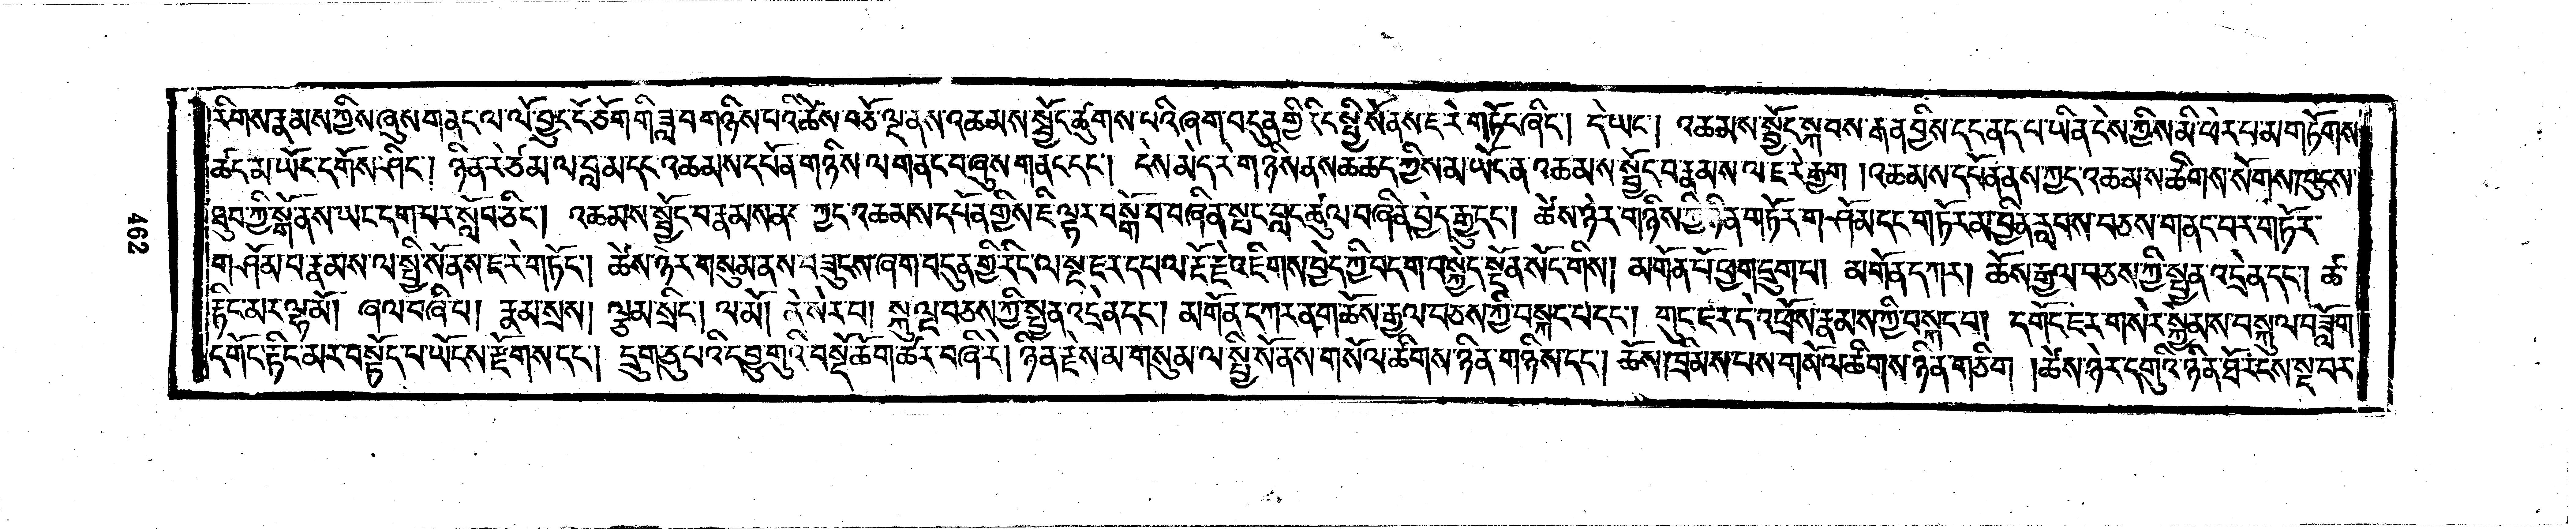རིགས་རྣམས་ཀྱིས་ཞུས་གནང་ལ་ལོ་བྱུང་ངོ་ཅོག་གི་ཟླ་བ་གཉིས་པའི་ཚེས་བཅོ་ལྔ་ནས་འཆམས་སྦྱོད་ཚུགས་པའི་ཞག་བདུན་གྱི་རིང་སྤྱི་སོ་ནས་ཇ་རེ་གཏོང་ཞིང་། དེ་ཡང་། འཆམས་སྦྱོང་སྐབས་རྒན་བྱིས་དང་ནད་པ་ཡིན་ངེས་ཀྱིས་མི་ཕེར་པ་མ་གཏོགས་
ཚད་མ་ཡོང་དགོས་ཤིང་། ཉིན་རེ་ཙམ་ལ་བླ་མ་དང་འཆམས་དཔོན་གཉིས་ལ་གནང་བ་ཞུས་གནང་དང་། དེས་མེད་རེ་གཉིས་ནས་ཆ་ཆད་ཀྱིས་མ་ཡོང་ན་འཆམས་སྦྱོད་བ་རྣམས་ལ་ཇ་རེ་རྒྱག །འཆམས་དཔོན་ནས་ཀྱང་འཆམས་ཚིགས་སོགས་ཁུངས་
ཐུབ་ཀྱི་སྒོ་ནས་ཡང་དག་པར་སློབ་ཅིང་། འཆམས་སྦྱོང་བ་རྣམས་ནས་ཀྱང་འཆམས་དཔོན་གྱིས་ཇི་ལྟར་བསྒོ་བ་བཞིན་སྤང་བླང་ཚུལ་བཞིན་བྱེད་རྒྱུ་དང་། ཚེས་ཉེར་གཉིས་ཀྱི་ཉིན་གཏོར་གཤོམ་དང་གཏོར་མ་བྱིན་རླབས་བཅས་གནང་བར་གཏོར་
གཤོམ་པ་རྣམས་ལ་སྤྱི་སོ་ནས་ཇ་རེ་གཏོང་། ཚེས་ཉེར་གསུམ་ནས་བཟུངས་ཞག་བདུན་གྱི་རིང་ལ་སྔ་ཇར་དཔལ་རྡོ་རྗེ་འཇིགས་བྱེད་ཀྱི་བདག་བསྐྱེད་སྔོན་སོང་གིས། མགོན་པོ་ཕྱག་དྲུག་པ། མགོན་དཀར། ཆོས་རྒྱལ་བཅས་ཀྱི་སྤྱན་འདྲེན་དང་། ཚ་
རྟིང་མར་ལྷ་མོ། ཞལ་བཞི་པ། རྣམ་སྲས། ལྕམ་སྲིང་། ལ་མོ། ནེ་སེར་བ། སྐུ་ལྔ་བཅས་ཀྱི་སྤྱན་འདྲེན་དང་། མགོན་དཀར་ནག་ཆོས་རྒྱལ་བཅས་ཀྱི་བསྐང་བ་དང་། གུང་ཇར་དེ་འཕྲོས་རྣམས་ཀྱི་བསྐང་བ། དགོང་ཇར་གསེར་སྐྱེམས་བསྐུལ་བཟློག་
དགོང་རྟིང་མར་བསྟོད་པ་ཡོངས་རྫོགས་དང་། དྲུག་ཅུ་པའི་དབྱུ་གུའི་བསྡོ་ཆོག་ཚར་བཞི་རེ། ཉིན་རྗེས་མ་གསུམ་ལ་སྤྱི་སོ་ནས་གསོལ་ཚིགས་ཉིན་གཉིས་དང་། ཆོས་ཁྲིམས་པས་གསོལ་ཚིགས་ཉིན་གཅིག །ཚེས་ཉེར་དགུའི་ཉིན་ཐོ་རངས་སྔ་བར་